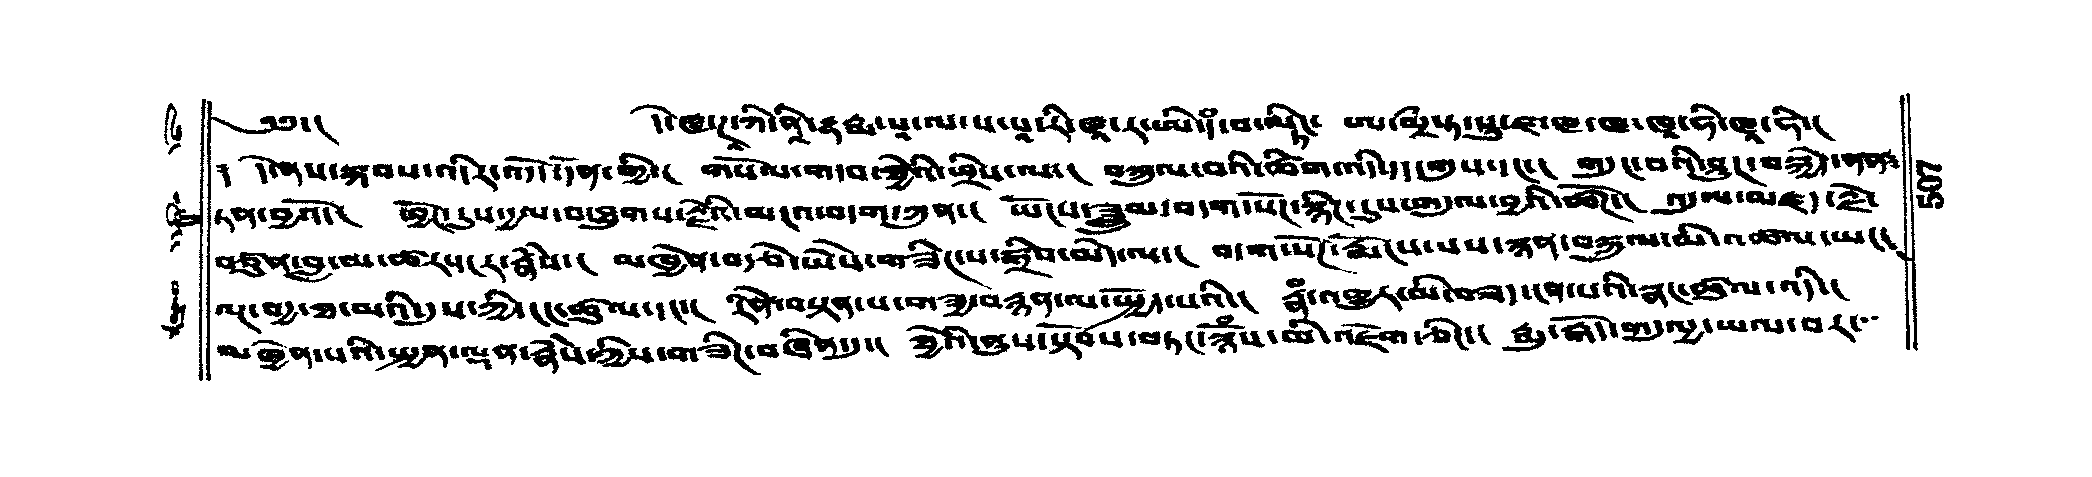དེ་ཝ་ཌཱ་ཀི་ནཱི་དྷརྨ་པཱ་ལ་ས་པཱ་རི་ཝཱ་ར་ཨི་དཾ་བ་ལིངྟ་། ཨ་མྲི་ཏ་པུ་ཛ་ཁ་ཁ་ཁཱ་ཧི་ཁཱ་ཧི། 
༈ དེ་ནས་སྐབས་འདིར་འདོད་དོན་གྱི། །གསོལ་གདབ་ཐུགས་རྗེའི་ཕྲིན་ལས་ལ། བསྐུལ་བའི་ཚིག་འདི་དད་གུས་དང་། གདུང་བའི་ཤུགས་བསྐྱེད་ནན་
ཏན་བྱའོ། །ཕྱོགས་དུས་རྒྱལ་བ་ཐུགས་རྗེའི་མངའ་བདག་ཀུན། ། ཡོངས་ཟླུམ་བདག་སོགས་སྙིགས་དུས་གདུལ་བྱའི་ཚོགས། །འདུལ་མཛད་རྗེ་
བཙུན་བླ་མ་ཚར་དངར་རྣམས། ། མཁྱེན་བརྩེ་ཡེ་ཤེས་གཟིགས་པ་སྒྲིབ་མེད་ལ། །བདག་སོགས་རྨོངས་པས་སྙན་བསྐུལ་མི་འཚལ་ཡང་། ། 
ལྔ་བརྒྱ་ཐ་མའི་དུས་ཀྱི་ངང་ཚུལ་དང་། །རིན་ཆེན་བསྟན་པ་གཟུགས་བརྙན་ལ་སྤྱོད་པའི། །རྣམ་འགྱུར་མི་བཟད་ངན་པའི་སྣང་ཚུལ་འདི། །
མཁྱེན་པའི་སྤྱན་ལྡན་རྣམས་ཀྱིས་གཟིགས་བཞིན་དུ། །ཐུགས་རྗེའི་ནུས་སྟོབས་བཏང་སྙོམས་མི་འཇོག་ཅིང་། རྨུ་རྒོད་གདུལ་བྱ་ཡལ་བར་